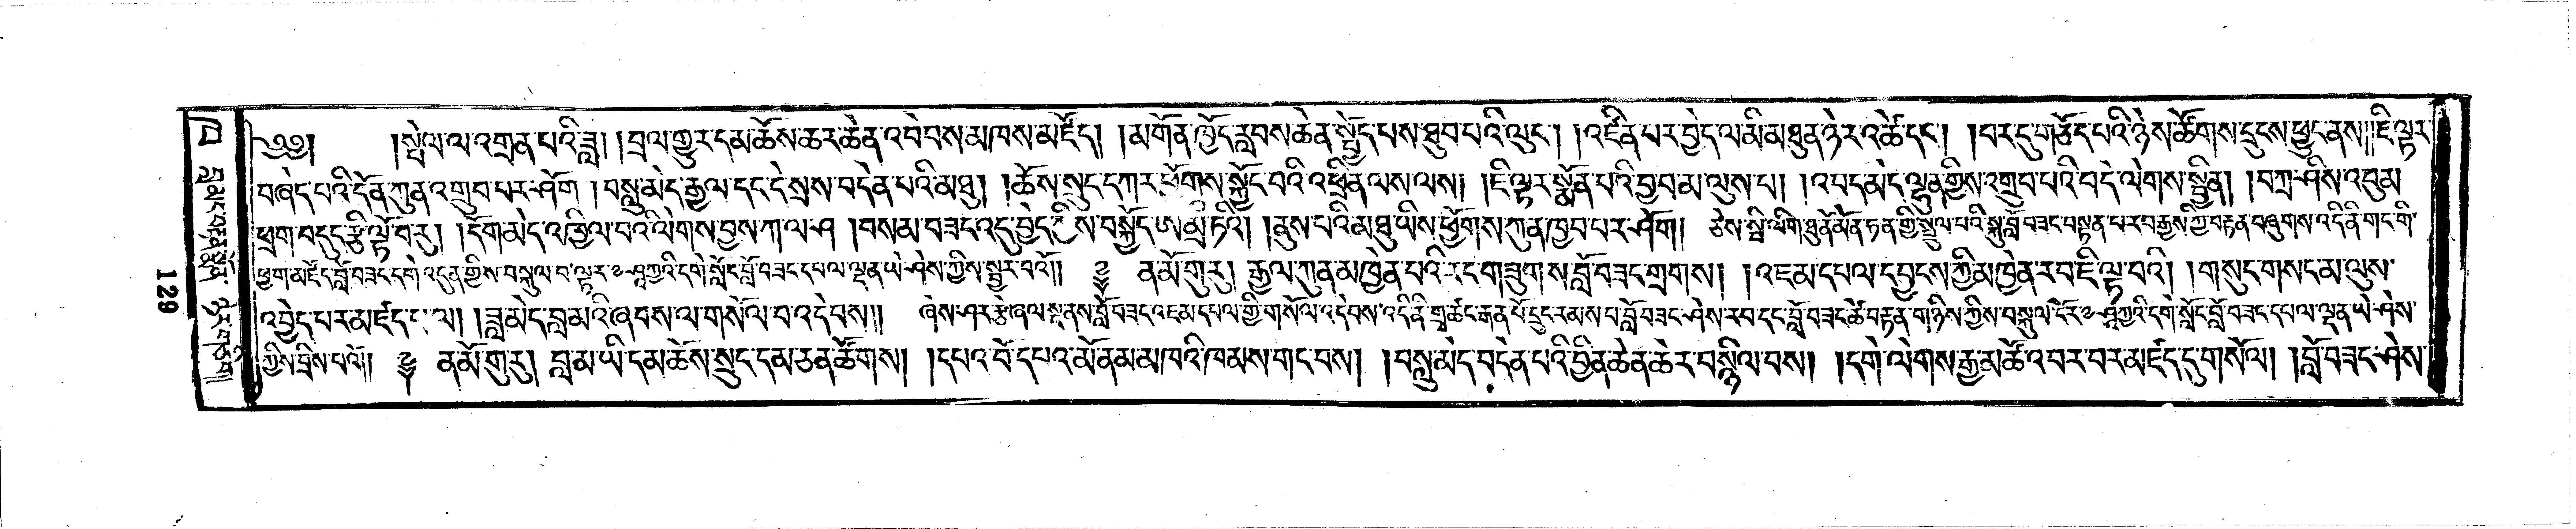༄༅། །སྤེལ་ལ་འགྲན་པའི་ཟླ། །བྲལ་གྱུར་དམ་ཆོས་ཆར་ཆེན་འབེབས་མཁས་མཛོད། །མགོན་ཁྱོད་རླབས་ཆེན་སྤྱོད་པས་ཐུབ་པའི་ལུང་། །འཛིན་པར་བྱེད་ལ་མི་མཐུན་ཉེར་འཚེ་དང་། །བར་དུ་གཅོད་པའི་ཉེས་ཚོགས་དྲུངས་ཕྱུང་ནས། །ཇི་ལྟར་
བཞེད་པའི་དོན་ཀུན་འགྲུབ་པར་ཤོག །བསླུ་མེད་རྒྱལ་དང་དེ་སྲས་བདེན་པའི་མཐུ། །ཆོས་སྲུང་དཀར་ཕྱོགས་སྐྱོང་བའི་འཕྲིན་ལས་ལས། །ཇི་ལྟར་སྨོན་པའི་བྱ་བ་མ་ལུས་པ། །འབད་མེད་ལྷུན་གྱིས་འགྲུབ་པའི་བདེ་ལེགས་སྦྱིན། །བཀྲ་ཤིས་འབུམ་
ཕྲག་བདུད་རྩི་ལྟོ་བ་རུ། །དོག་མེད་འཁྱིལ་བའི་ལེགས་བྱས་ཀ་ལ་ཤ་།བསམ་བཟང་འདུ་བྱེད་ཀྱིས་བསྐྱོད་ཨ་མྲྀ་ཏའི། །ནུས་པའི་མཐུ་ཡིས་ཕྱོགས་ཀུན་ཁྱབ་པར་ཤོག། ཅེས་སྦི་ལིག་ཐུ་ནོ་མོན་ཧན་གྱི་སྦྲུལ་པའི་སྐུ་བློ་བཟང་བསྟན་པ་རབ་རྒྱས་ཀྱི་བརྟན་བཞུགས་འདི་ནི་གང་གི་
ཕྱག་མཛོད་བློ་བཟང་དགེ་འདུན་གྱིས་བསྐུལ་བ་ལྟར་༧་ཤཱཀྱའི་དགེ་སློང་བློ་བཟང་དཔལ་ལྡན་ཡེ་ཤེས་ཀྱིས་སྦྱར་བའོ།། ༈ ན་མོ་གུ་རུ། རྒྱལ་ཀུན་མཁྱེན་པའི་རང་གཟུགས་བློ་བཟང་གྲགས། །འཇམ་དཔལ་དབྱངས་ཀྱི་མཁྱེན་རབ་ཇི་ལྟ་བའི། །གསུང་གསང་མ་ལུས་
འབྱེད་པར་མཛད་པ་ལ། །ཟླ་མེད་བླ་མའི་ཞབས་ལ་གསོལ་བ་འདེབས།། ཞེས་ཤར་རྩེ་ཞལ་སྔ་ནས་བློ་བཟང་འཇམ་དཔལ་གྱི་གསོལ་འདེབས་འདི་ནི་གྲྭ་ཚང་རྒན་པོ་དྲུང་རམས་པ་བློ་བཟང་ཤེས་རབ་དང་བློ་བཟང་ཚེ་བརྟན་གཉིས་ཀྱིས་བསྐུལ་ངོར་༧་ཤཱཀྱའི་དགེ་སློང་བློ་བཟང་དཔལ་ལྡན་ཡེ་ཤེས་
ཀྱིས་བྲིས་པའོ།། ༈ ན་མོ་གུ་རུ། བླ་མ་ཡི་དམ་ཆོས་སྲུང་དམ་ཅན་ཚོགས། །དཔའ་བོ་དཔའ་མོ་ནམ་མཁའི་ཁམས་གང་བས། །བསླུ་མེད་བདེན་པའི་བྱིན་ཆེན་ཆེར་བསྙིལ་བས། །དགེ་ལེགས་རྒྱ་མཚོ་འབར་བར་མཛད་དུ་གསོལ། །བློ་བཟང་ཤེས་